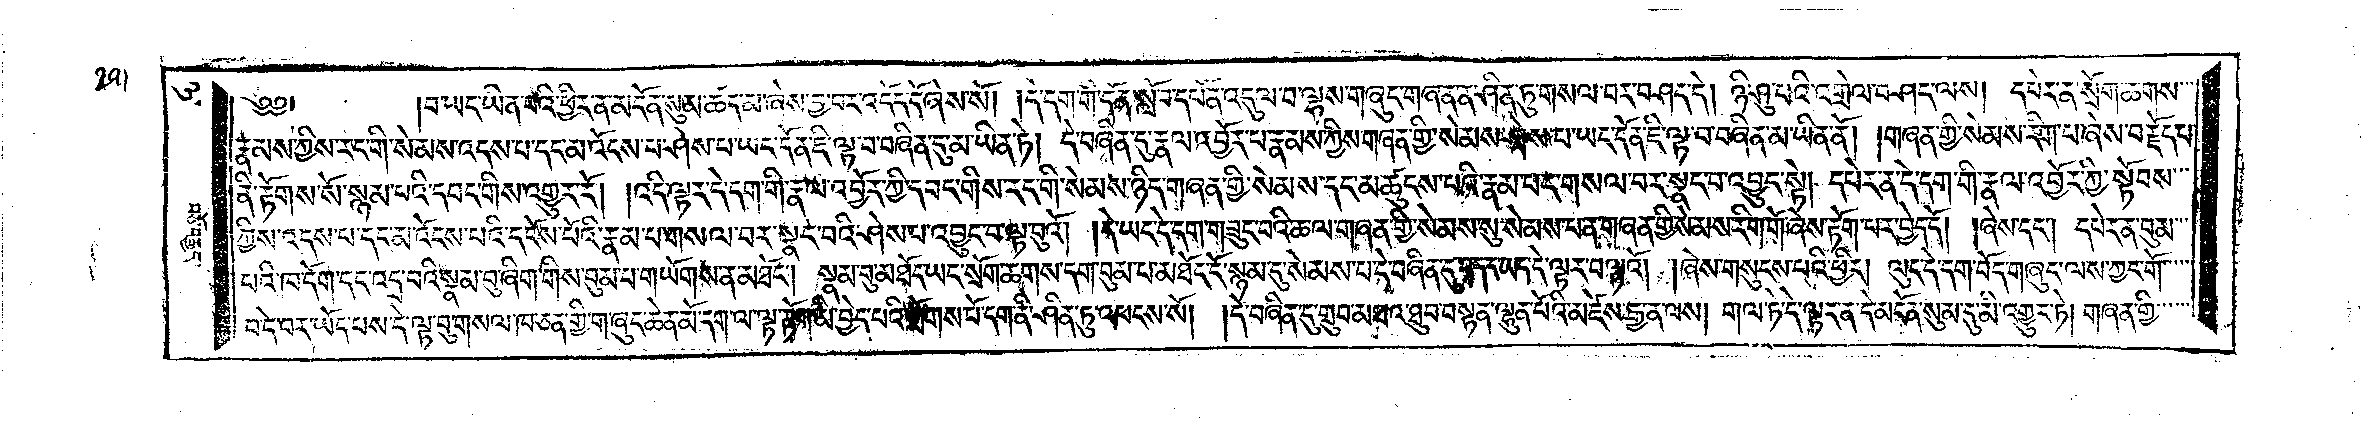༄༅། །བ་ཡང་ཡིན་པའི་ཕྱིར་ན་མངོན་སུམ་ཚད་མ་ཞེས་བྱ་བར་འདོད་དོ་ཞེས་སོ། །དེ་དག་གི་དོན་སློབ་དཔོན་འདུལ་བ་ལྷས་གཞུང་གཞན་ན་ཤིན་ཏུ་གསལ་བར་བཤད་དེ། ཉི་ཤུ་པའི་འགྲེལ་བཤད་ལས། དཔེར་ན་སྲོག་ཆགས་
རྣམས་ཀྱིས་རང་གི་སེམས་འདས་པ་དང་མ་འོངས་པ་ཤེས་པ་ཡང་དོན་ཇི་ལྟ་བ་བཞིན་དུ་མ་ཡིན་ཏེ། དེ་བཞིན་དུ་རྣལ་འབྱོར་པ་རྣམས་ཀྱིས་གཞན་གྱི་སེམས་ཤེས་པ་ཡང་དོན་ཇི་ལྟ་བ་བཞིན་མ་ཡིན་ནོ། །གཞན་གྱི་སེམས་རིག་པ་ཞེས་བརྗོད་པ་
ནི་རྟོགས་སོ་སྙམ་པའི་དབང་གིས་འགྱུར་རོ། །འདི་ལྟར་དེ་དག་གི་རྣལ་འབྱོར་ཀྱི་དབང་གིས་རང་གི་སེམས་ཉིད་གཞན་གྱི་སེམས་དང་མཚུངས་པའི་རྣམ་པར་གསལ་བར་སྣང་བ་འབྱུང་སྟེ། དཔེར་ན་དེ་དག་གི་རྣལ་འབྱོར་ཀྱི་སྟོབས་
ཀྱིས་འདས་པ་དང་མ་འོངས་པའི་དངོས་པོའི་རྣམ་པ་གསལ་བར་སྣང་བའི་ཤེས་པ་འབྱུང་བ་ལྟ་བུའོ། །དེ་ཡང་དེ་དག་གཟུང་བའི་ཆ་ལ་གཞན་གྱི་སེམས་སུ་སེམས་པ་ན་གཞན་གྱི་སེམས་རིག་གོ་ཞེས་རྟོག་པར་བྱེད་དོ། །ཞེས་དང་། དཔེར་ན་བུམ་
པའི་ཁ་དོག་དང་འདྲ་བའི་སྣམ་བུ་ཞིག་གིས་བུམ་པ་གཡོགས་ན་མཐོང་། སྣམ་བུ་མཐོང་ཡང་སྲོག་ཆགས་དག་བུམ་པ་མཐོང་ངོ་སྙམ་དུ་སེམས་པ་དེ་བཞིན་དུ་བ་དང་ཡང་དེ་ལྟར་བལྟའོ། །ཞེས་གསུངས་པའི་ཕྱིར། ལུང་དེ་དག་བོད་གཞུང་ལས་ཀྱང་གོ་
བདེ་བར་ཡོད་པས་དེ་ལྟ་བུ་གསལ་ཁ་ཅན་གྱི་གཞུང་ཆེན་མོ་དག་ལ་ལྟ་རྟོག་མི་བྱེད་པའི་གྲོགས་པོ་དག་ནི་ཤིན་ཏུ་འཕངས་སོ། །དེ་བཞིན་དུ་གྲུབ་མཐའ་ཐུབ་བསྟན་ལྷུན་པོའི་མཛེས་རྒྱན་ལས། གལ་ཏེ་དེ་ལྟར་ན་དེ་མངོན་སུམ་དུ་མི་འགྱུར་ཏེ། གཞན་གྱི་